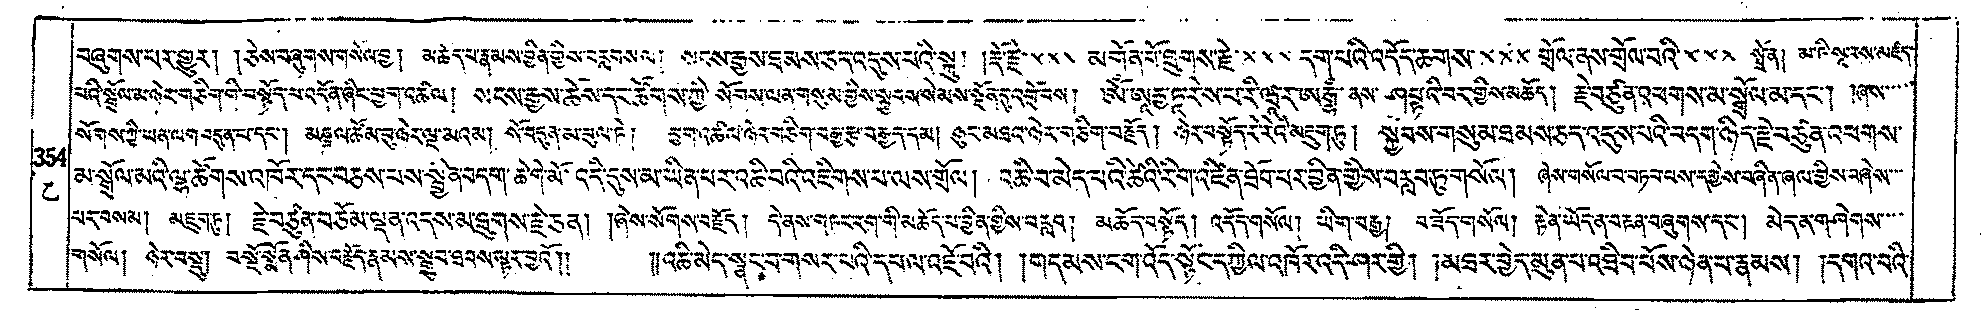བཞུགས་པར་གྱུར། །ཅེས་བཞུགས་གསོལ་བྱ། མཆོད་པ་རྣམས་བྱིན་གྱིས་བརླབས་ལ།  སངས་རྒྱས་ཐམས་ཅད་འདུས་པའི་སྐུ། །རྡོ་རྗེ་྾྾྾་མགོན་པོ་ཐུགས་རྗེ་྾྾྾་དག་པའི་འདོད་ཆགས་྾྾྾་གྲོལ་ནས་གྲོལ་བའི་྾྾྾་སྤྲོ་ན། མ་ཏི་སཱ་རས་མཛད་
པའི་སྒྲོལ་མ་ཉེར་གཅིག་གི་བསྟོད་པ་འདོན་ཞིང་ཕྱག་འཚལ། སངས་རྒྱས་ཆོས་དང་ཚོགས་ཀྱི་སོགས་ཀྱི་སོགས་ལན་གསུམ་གྱིས་སྐྱབས་སེམས་སྔོན་དུ་འགྲོ་བས།  ཨོཾ་ཨཱ་རྱ་ཏཱ་རེ་ས་པ་རི་ཝཱ་ར་ཨརྒྷཾ་ནས་ཤཔྟའི་བར་གྱིས་མཆོད། རྗེ་བཙུན་འཕགས་མ་སྒྲོལ་མ་དང་། །ཞས་་་
སོགས་ཀྱི་ཡན་ལག་བདུན་པ་དང་། མཎྜལ་ཚོམ་བུ་ཉེར་ལྔ་མའམ། སོ་བདུན་མ་ཕུལ་ཏེ། ཕྱག་འཚལ་ཉེར་གཅིག་བརྒྱ་རྩ་བརྒྱད་དམ། ཉུང་མཐའ་ཉེར་གཅིག་བརྗོད། ཉེར་བསྟོད་རེ་རེའི་མཇུག་ཏུ། སྐྱབས་གསུམ་ཐམས་ཅད་འདུས་པའི་བདག་ཉིད་རྗེ་བཙུན་འཕགས་
མ་སྒྲོལ་མའི་ལྷ་ཚོགས་འཁོར་དང་བཅས་པས་སྦྱིན་བདག་ཆེ་གེ་མོ་འདི་དུས་མ་ཡིན་པར་འཆི་བའི་འཇིགས་པ་ལས་གྲོལ། འཆི་བ་མེད་པའི་ཚེའི་རིག་འཛིན་ཐོབ་པར་བྱིན་གྱིས་བརླབ་ཏུ་གསོལ། ཞེས་གསོལ་བ་བཏབ་པས་དགྱེས་བཞིན་ལས་ཀྱིས་བཞེས་་་
པར་བསམ། མཇུག་ཏུ། རྗེ་བཙུན་བཅོམ་ལྡན་འདས་མ་ཐུགས་རྗེ་ཅན། །ཞེས་སོགས་བརྗོད། དེ་ནས་གཏང་རག་གི་མཆོད་པ་བྱིན་གྱིས་བརླབ། མཆོད་བསྟོད། །འདོད་གསོལ། ཡིག་བརྒྱ། །བཟོད་གསོལ། །རྟེན་ཡོད་ན་བརྟན་བཞུགས་དང་། མེད་ན་གཤེགས་་་
གསོལ། ཉེར་བསྡུ། བསྔོ་སྨོན་ཤིས་བརྗོད་རྣམས་སྒྲུབ་ཐབས་ལྟར་བྱའོ།། །།འཆི་མེད་སྣང་བ་གསར་པའི་དཔལ་འཇོ་བའི། །གདམས་ངག་འོད་སྟོང་དཀྱིལ་འཁོར་འདི་ཤར་གྱི། །མཐར་བྱེད་མུན་པ་འཐིབ་པོས་ཉེན་པ་རྣམས། །དགའ་བའི་